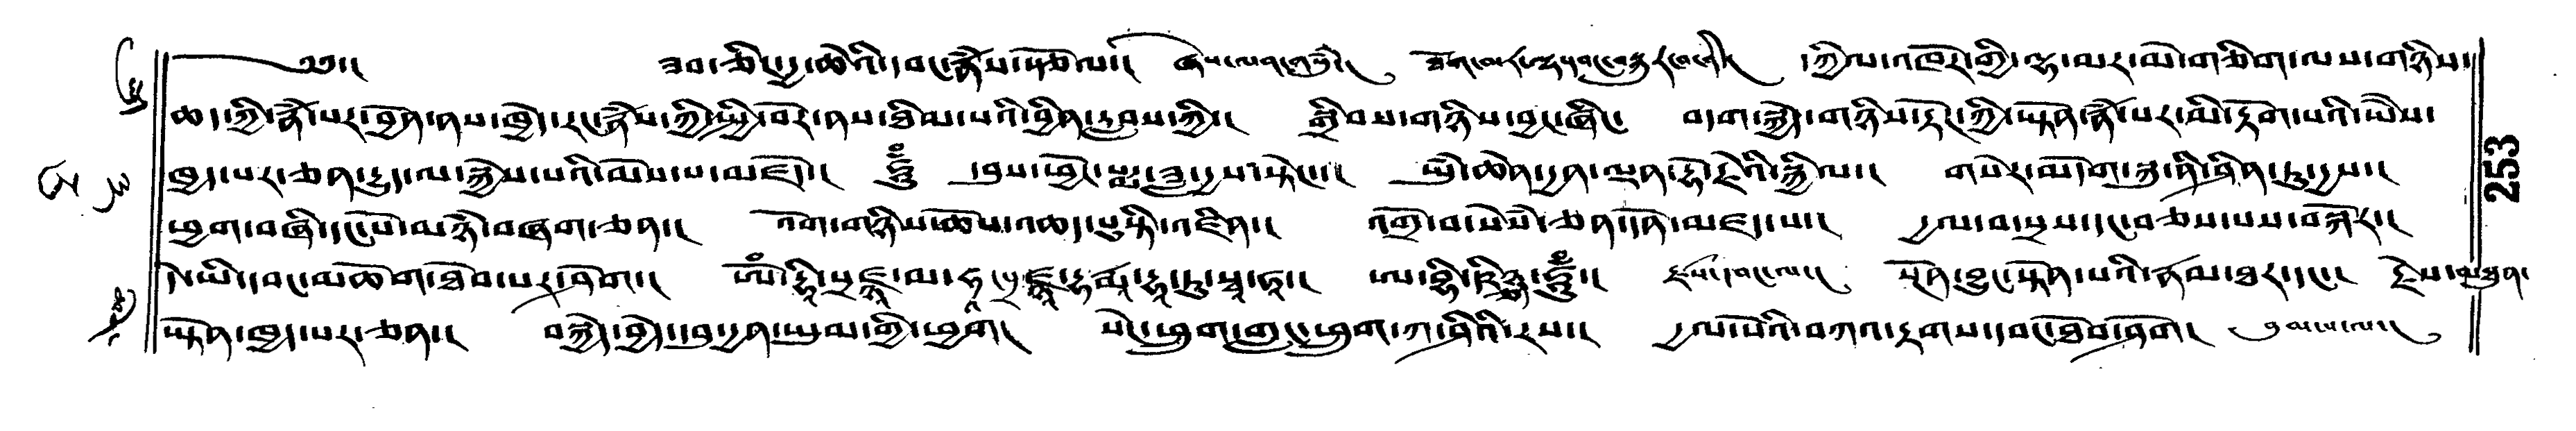།ཟབ་ཅིང་རྒྱ་ཆེའི་དབང་རྣམས་སྩོལ། ཞེས་ལན་གསུམ། ཐོག་མར་ལྷ་དབང་བསྐུར་བ་ནི། དཀྱིལ་འཁོར་གྱི་ལྷ་མར་མེ་གཅིག་ལས་གཉིས་
ཆད་ཀྱི་རྣམ་པར་བྱོན་ནས་ཁྱེད་རང་རྣམས་ཀྱི་སྤྱི་བོ་ནས་ཐིམ་པའི་བྱིན་རླབས་ཀྱིས། སྒྲིབ་གཉིས་བྱང་ཞིང་། བདག་སྐྱེད་གཉིས་རྟོགས་ཀྱི་ཡོན་ཏན་རྣམ་པར་མི་རྟོག་པའི་ཡེ་ཤེས་
ཁྱད་པར་ཅན་རྒྱུད་ལ་སྐྱེས་པའི་མོས་པ་མཛོད། ཧཱུྃ། དབུས་ཕྱོགས་པདྨ་ཟླ་རྒྱས་སྟེང་། །ཡུམ་ཆེན་རྒྱན་ལྡན་རྡོ་རྗེའི་སྐྱིལ། །གསེར་མདོག་སྐུ་ནི་ཤིན་ཏུ་རྒྱས། །
ཕྱག་བཞི་དང་པོ་མཉམ་བཞག་ཅན། །འོག་གཉིས་ཆོས་འཆད་པུུསྟི་འཛིན། །འགྲོ་བ་སེམས་ཅན་དོན་མཛད་པ། །རྒྱལ་བ་སྲས་དང་བཅས་པས་བསྐོར། །
དེ་ཡི་དབང་མཆོག་ཐོབ་པར་ཤོག ཨོཾ་དྷཱི་པྲཛྙཱ་མ་ཧཱ་པྲཛྙཱ་དྷརྨཱ་དྷཱ་ཏུ་སྭ་ཧཱ། ཨ་བྷི་རིཉྩ་ཧཱུྃ། རྫས་དབང་ལ། སྔོན་བྱུང་སྟོན་པའི་རྣམ་ཐར་དང་། །རྗེས་མཐུན་
ཡོན་ཏན་ཁྱད་པར་ཅན་།སྐྱེད་བྱེད་དབུ་རྒྱན་ཡུམ་གྱི་ཕྱག །སེང་ཕྲུག་གླང་ཕྲུག་ཀ་ཤིའི་རས། །རྒྱལ་པོའི་བཀའ་རྟགས་དབང་ཐོབ་ཤོག བུམ་པ་ལ་